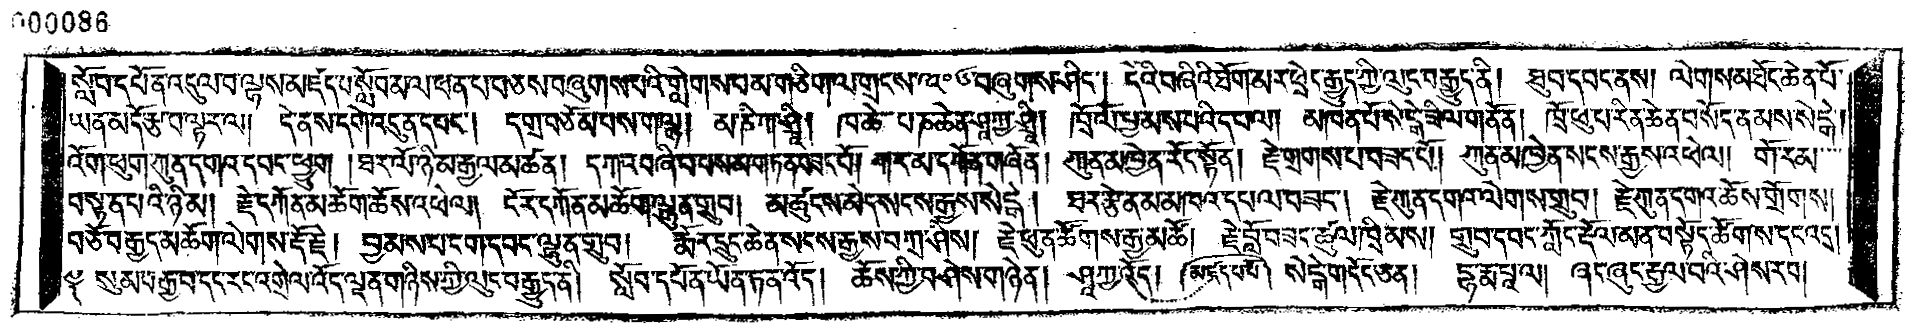སློབ་དཔོན་འདུལ་བ་ལྷས་མཛད་པ་སློབ་མ་ལ་ཕན་པ་བཅས་བཞུགས་པའི་གླེགས་བམ་གཅིག་ལ་གྲངས ༣༠༦་བཞུགས་ཤིང་། དེའི་བཞིའི་ཐོག་མར་ཕྲེང་རྒྱུད་ཀྱི་ལུང་བརྒྱུད་ནི། ཐུབ་དབང་ནས། ལེགས་མཐོང་ཆེན་པོ་
ཡན་མདོ་རྩ་བ་ལྟར་ལ། དེ་ནས་དགེ་འདུན་དབང་། དགྲ་བཅོམ་པས་ག་ལྷ། མ་ཎི་ཀ་ཤྲཱི། ཁ་ཆེ་པཎ་ཆེན་ཤཱཀྱ་ཤྲཱི། ཁྲོ་ལོ་པྱ་མས་པའི་དཔལ། མཁན་པོ་སེངྒེ་ཟིལ་གནོན། ཁྲོ་ཕུ་བ་རིན་ཆེན་བསོད་ནམས་སེངྒེ།
འོག་ཕུག་ཀུན་དགའ་དབང་ཕྱུག །ཐར་ལོ་ཉི་མ་རྒྱལ་མཚན། དཀའ་བཞི་བ་བསམ་གཏན་བཟང་པོ། ཀར་མ་དཀོན་གཞོན། ཀུན་མཁྱེན་རོང་སྟོན། རྗེ་གྲགས་པ་བཟང་པོ། ཀུན་མཁྱེན་སངས་རྒྱས་འཕེལ། གོ་རམ་
བསྟན་པའི་ཉི་མ། རྗེ་དཀོན་མཆོག་ཆོས་འཕེལ། དོར་དཀོན་མཆོག་ལྷུན་གྲུབ། མཚུངས་མེད་སངས་རྒྱས་སེངྒེ། ཐར་རྩེ་ནམ་མཁའ་དཔལ་བཟང་། རྗེ་ཀུན་དགའ་ལེགས་གྲུབ། རྗེ་ཀུན་དགའ་ཆོས་གྲོགས།
བཅོ་བརྒྱད་མཆོག་ལེགས་རྡོ་རྗེ། བྱམས་པ་ངག་དབང་ལྷུན་གྲུབ། རྨོར་དྲུང་ཆེན་སངས་རྒྱས་བཀྲ་ཤིས། རྗེ་ཕུན་ཚོགས་རྒྱ་མཚོ། རྗེ་བློ་བཟང་ཚུལ་ཁྲིམས། གྲུབ་དབང་ཀློང་རྡོལ་མན་བསྟོད་ཚོགས་དང་འདྲ།
༈ སུམ་བརྒྱ་བ་དང་རང་འགྲེལ་འོད་ལྡན་གཉིས་ཀྱི་ལུང་བརྒྱུད་ནི། སློབ་དཔོན་ཡོན་ཏན་འོད། ཆོས་ཀྱི་བཤེས་གཉེན། ཤཱཀྱ་༼མཛད་པ་པོ༽་འོད་མཛད་པ་པོ།  སེངྒེ་གདོང་ཅན། དྷ་རྨ་པཱ་ལ། ཞང་ཞུང་རྒྱལ་བའི་ཤེས་རབ།